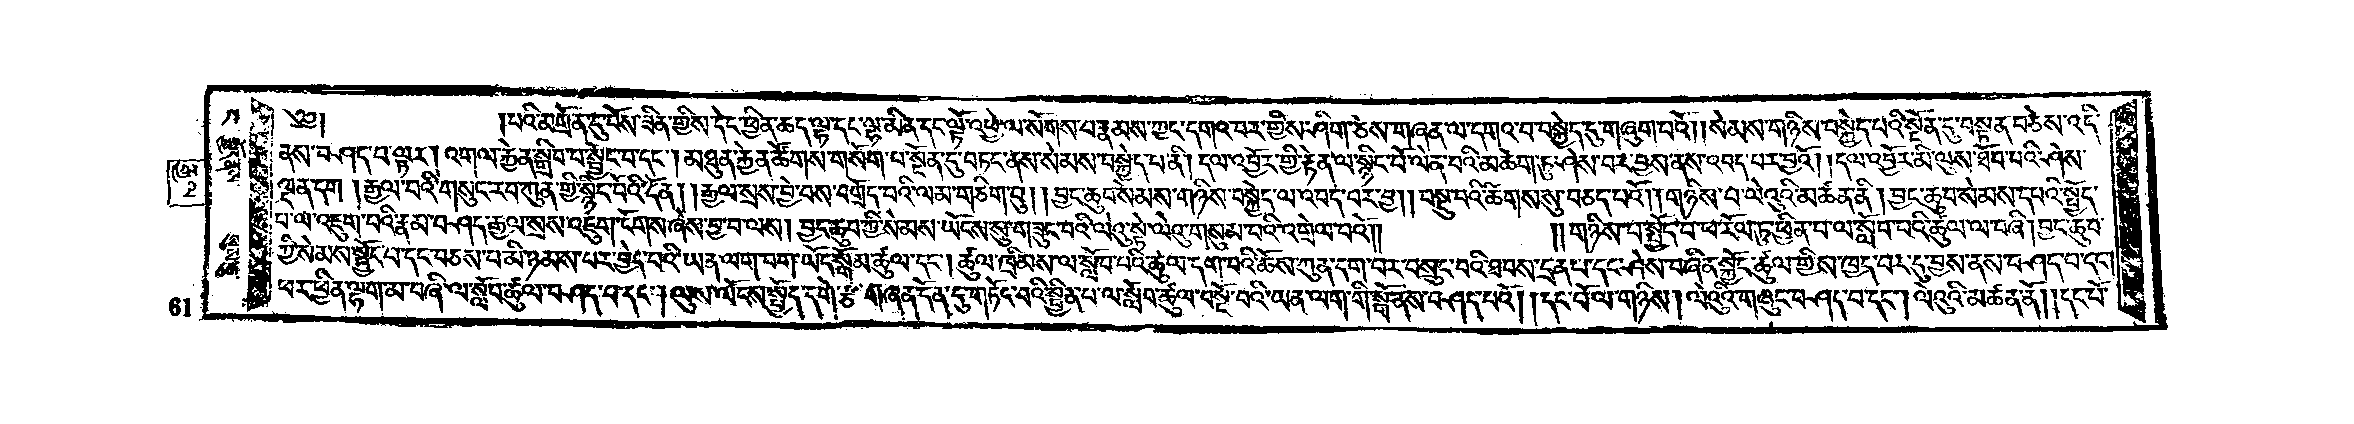༄༅། །པའི་མགྲོན་དུ་བོས་ཟིན་གྱིས་དེང་ཕྱིན་ཆད་ལྟ་དང་ལྷ་མིན་དང་ལྟོ་འཕྱེ་ལ་སོགས་པ་རྣམས་ཀྱང་དགའ་བར་གྱིས་ཤིག་ཅེས་གཞན་ལ་དགའ་བ་བསྐྱེད་དུ་གཞུག་པའོ། །སེམས་གཉིས་བསྐྱེད་པའི་སྔོན་དུ་བསྟན་བཅེས་འདི་
ནས་བཤད་པ་ལྟར། འགལ་རྐྱེན་སྒྲིབ་པ་སྦྱོང་བ་དང་། མཐུན་རྐྱེན་ཚོགས་གསོག་པ་སྔོན་དུ་བཏང་ནས་སེམས་བསྐྱེད་པ་ནི། དལ་འབྱོར་གྱི་རྟེན་ལ་སྙིང་པོ་ལེན་པའི་མཆོག་ཏུ་ཤེས་པའི་བྱས་ནས་འབད་པར་བྱའོ། །དལ་འབྱོར་མི་ལུས་ཐོབ་པའི་ཤེས་
ལྡན་དག །རྒྱལ་བའི་གསུང་རབ་ཀུན་གྱི་སྙིང་པོའི་དོན། །རྒྱལ་སྲས་བྱེ་བས་བགྲོད་པའི་ལམ་གཅིག་བུ། །བྱང་ཆུབ་སེམས་གཉིས་བསྐྱེད་ལ་འབད་པར་བྱ། །བསྡུ་བའི་ཚིགས་སུ་བཅད་པའོ། །གཉིས་པ་ལེའུའི་མཚན་ནི། བྱང་ཆུབ་སེམས་དཔའི་སྤྱོད་
པ་ལ་འཇུག་པའི་རྣམ་བཤད་རྒྱལ་སྲས་འཇུག་ངོགས་ཞེས་བྱ་བ་ལས། བྱང་ཆུབ་ཀྱི་སེམས་ཡོངས་སུ་གཟུང་བའི་ལེའུ་སྟེ་ལུའུ་གསུམ་པའི་འགྲེལ་པའོ།། །།གཉིས་པ་སྤྱོད་པ་ཕ་རོལ་ཏུ་ཕྱིན་པ་ལ་སློབ་པའི་ཚུལ་ལ་བཞི། བྱང་ཆུབ་
ཀྱི་སེམས་སྦྱོང་བ་དང་བཅས་པ་མི་ཉམས་པར་བྱེད་པའི་ཡན་ལག་བག་ཡོད་སྒོམ་ཚུལ་དང་། ཚུལ་ཁྲིམས་ལ་སློབ་པའི་ཚུལ་དག་པའི་ཆོས་ཀུན་དག་པར་བསྲུང་བའི་ཐབས་དྲན་པ་དང་ཤེས་བཞིན་སྐྱོང་ཚུལ་གྱིས་ཁྱད་པར་དུ་བྱས་ནས་བཤད་པ་དང་།
ཕར་ཕྱིན་ལྷག་མ་བཞི་ལ་སློབ་ཚུལ་བཤད་པ་དང་། ལུས་ལོངས་སྤྱོད་དགེ་རྩ་གཞན་དོན་དུ་གཏོང་བའི་སྦྱིན་པ་ལ་སློབ་ཚུལ་བསྔོ་བའི་ཡན་ལག་གི་སྒོ་ནས་བཤད་པའོ། །དང་པོ་ལ་གཉིས། ལེའུའི་གཞུང་བཤད་པ་དང་། ལེའུའི་མཚན་ནོ། །དང་པོ་